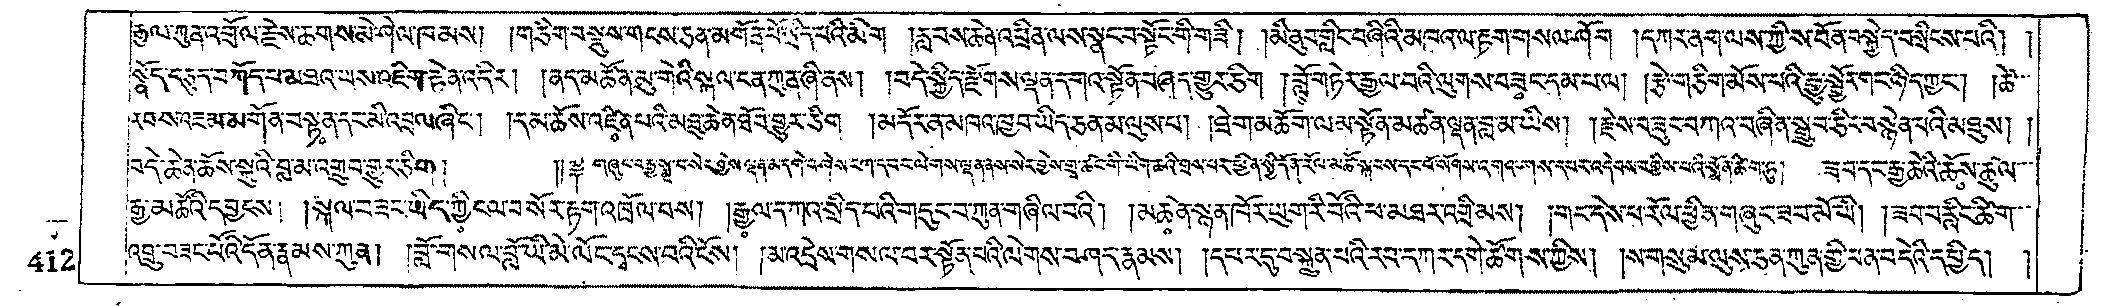རྒྱལ་ཀུན་འགྲོ་ལ་རྗེས་ཆགས་མེ་ཤེལ་ཁམས། །གཅིག་བསྡུས་གངས་ཅན་མགོན་པོ་སྲིད་པའི་མིག །རླབས་ཆེན་འཕྲིན་ལས་སྣང་བ་སྟོང་གི་གཟི། །མི་ནུབ་གླིང་བཞིའི་མཁའ་ལ་རྟག་གསལ་ཤོག །དཀར་ནག་ལས་ཀྱི་ས་བོན་བསྐྱེད་བསྲིངས་པའི། །
སྣོད་བཅུད་བཀོད་པ་མཐའ་ཡས་འཇིག་རྟེན་འདིར། །ནད་མཚོན་མུ་གེའི་སྐལ་ངན་ཀུན་ཞི་ནས། །བདེ་སྐྱིད་རྫོགས་ལྡན་དགའ་སྟོན་བཞད་གྱུར་ཅིག །བློ྾་གཏེར་རྒྱལ་བའི་ལུགས་བཟང྾་དམ་པ་ལ། །རྩེ་གཅིག་མོས་པའི་རྒྱུ་སྦྱོར་གང་ཉིད་ཀྱང་། །ཚེ་་་
རབས་འཇམ་མགོན་བསྟན྾་དང་མི་འབྲལ་ཞིང་། །དམ་ཆོས་འཛིན྾་པའི་མཐུ་ཆེན་ཐོབ་གྱུར་ཅིག །མདོར་ན་མཁའ་ཁྱབ་ཡིད་ཅན་མ་ལུས་པ། །ཐེག་མཆོག་ལམ་སྟོན་མཚན་ལྡན་བླ་མ་ཡིས། །རྗེས་བཟུང་བཀའ་བཞིན་སྒྲུབ་ཅིང་བསྙེན་པའི་མཐུས། །
བདེ་ཆེན་ཆོས་སྐུའི་བླ་མ་འགྲུབ་གྱུར་ཅིག ། །། འགྮུང་བརྒྱ་སྨྲ་བ་སེར་བྱེས་ལྡན་མ་དགེ་བཤེས་ངག་དབང་ལེགས་ལྡན་ནས་སེར་བྱེས་གྲྭ་ཚང་གི་ཡིག་ཆའི་གྲས་ཕར་ཕྱིན་སྤྱི་དོན་རོལ་མཚོ་སྐབས་དང་པོ་སོགས་འགའ་ཤས་དཔར་འདེབས་བགྱིས་པའི་སྨོན་ཚིག་ཏུ།  ཟབ་དང་རྒྱ་ཆེའི་ཆོས྾་ཚུལ་་་
རྒྱ་མཚོའི་དབྱངས། །སྐལ་བཟང་ཡིད་ཀྱི྾་ངལ་བསོར་རྟག་འཁྲོལ་བས། །རྒྱལ྾་དཀའ་སྲིད་པའི་གདུང་བ་ཀུན་གཞིལ་བའི། །མཚན྾་སྙན་ཁོར་ཡུག་རི་བོའི་ཕ་མཐར་འགྲིམས། །གང་དེས་ཕ་རོལ་ཕྱིན་གཞུང་ཟབ་མོ་ཡི། །ཟབ་བརླིང་ཚིག་་་
འབྲུ་བཟང་པོའི་དོན་རྣམས་ཀུན། །བློ་གསལ་བློ་ཡི་མི་ལོང་དྭངས་བའི་ངོས། །མ་འདྲེས་གསལ་བར་སྟོན་པའི་ལེགས་བཤད་རྣམས། །དཔར་དུ་བསྐྲུན་པའི་རབ་དཀར་དགེ་ཚོགས་ཀྱིས། །ས་གསུམ་ལུས་ཅན་ཀུན་གྱི་ཕན་བདེའི་དཔྱིད། །